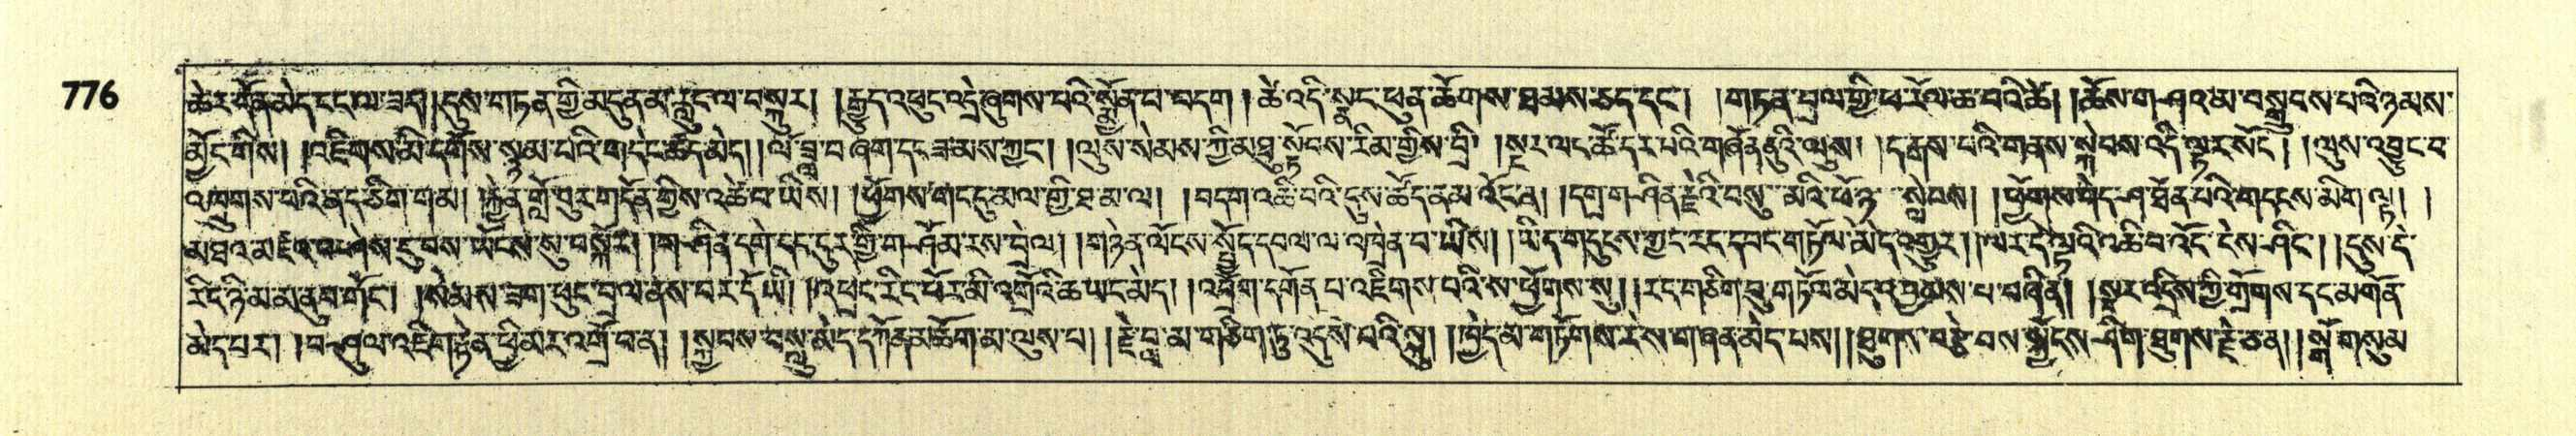ཆེར་དོན་མེད་ངང་ལ་ཟད། །དུས་གཏན་གྱི་མདུན་མ་རླུང་ལ་བསྐུར། །རྒྱུད་འཕུན་འདྲེ་ཞུགས་པའི་སྨྱོན་པ་བདག། ཚེ་འདི་སྣང་ཕུན་ཆོགས་ཐམས་ཅད་དང་། །གཏན་བྲལ་གྱི་ཕ་རོལ་ཆ་བའི་ཚེ། །ཆོས་གཤའ་མ་བསྒྲུབས་པའི་ཉམས་
མྱོང་གིས། །འཇིགས་མི་དགོས་སྙམ་པའི་གདེང་ཚད་མེད། །ལོ་ཟླ་བཞག་དང་ཟ་མས་ཀྱང་། །ལུས་སེམས་ཀྱི་མཐུ་སྟོབས་རིམ་གྱིས་བྲི། །སྔར་ལང་ཚོ་དར་པའི་གཞོན་ནུའི་ལུས། །ད་རྒས་པའི་གནས་སྐེབས་འདི་ལྟར་སོང་། །ལུས་འབྱུང་བ་
འཁྲུགས་པའི་ནད་ཅིག་གམ། །རྐྱེན་གློ་བུར་གདོན་གྱིས་འཚེ་བ་ཡིས། །ཕྱོགས་གང་དུ་མལ་གྱི་ཐ་མ་ལ། །བདག་འཆི་བའི་དུས་ཚོད་ནམ་འོད་ན། །དགྲ་གཤིན་རྗེའི་བསུ་མའི་ཕོ་ཉ་སླེབས། །ཕྱོགས་དེད་ཤ་ཐོན་པའི་གདངས་མིག་ལྟ། །
མཐའ་མཛའ་བ་ཤེས་དུ་བས་ཡོངས་སུ་བསྐོར། །གཤིན་དགེ་དང་དུར་གྱི་གཤོམ་རས་བྲེལ། །གཉེན་ལོངས་སྤྱོད་དཔལ་ལ་འཁྲེན་བ་ཡིས། །ཡིད་གདུངས་ཀྱང་རང་དབང་གཏོལ་མེད་འགྱུར། །ལར་དེ་ལྟའི་འཆི་བ་འོད་ངེས་ཤིང་། །དུས་དེ་
རིང་ཉི་མ་མ་ནུབ་གོང་། །སེམས་ཟག་ཕུང་བྲལ་ནས་བར་དོ་ཡི། །འཕྲང་རིང་ཕོར་མི་འགྲོའི་ཆ་ཡང་མེད། །འབྲོག་དགོན་པ་འཇིགས་བའི་ས་ཕྱོགས་སུ། །རང་གཅིག་བུ་གཏོལ་མེད་འབྱམས་པ་བཞིན། །སྔར་འདྲིས་ཀྱི་གྲོགས་དང་མགོན་
མེད་པར། །བཤུལ་འཇིག་རྟེན་ཕྱི་མར་འགྲོ་བ་ན། །སྐྱབས་བསླུ་མེད་དཀོན་མཆོག་མ་ལུས་པ། །རྗེ་བླ་མ་གཅིག་ཏུ་འདུས་པའི་སྐུ། །ཁྱེད་མ་གཏོགས་རེ་ས་གཞན་མེད་པས། །ཐུགས་བརྩེབས་སྐྱོངས་ཤིག་ཐུགས་རྗེ་ཅན། །སྒོ་གསུམ་